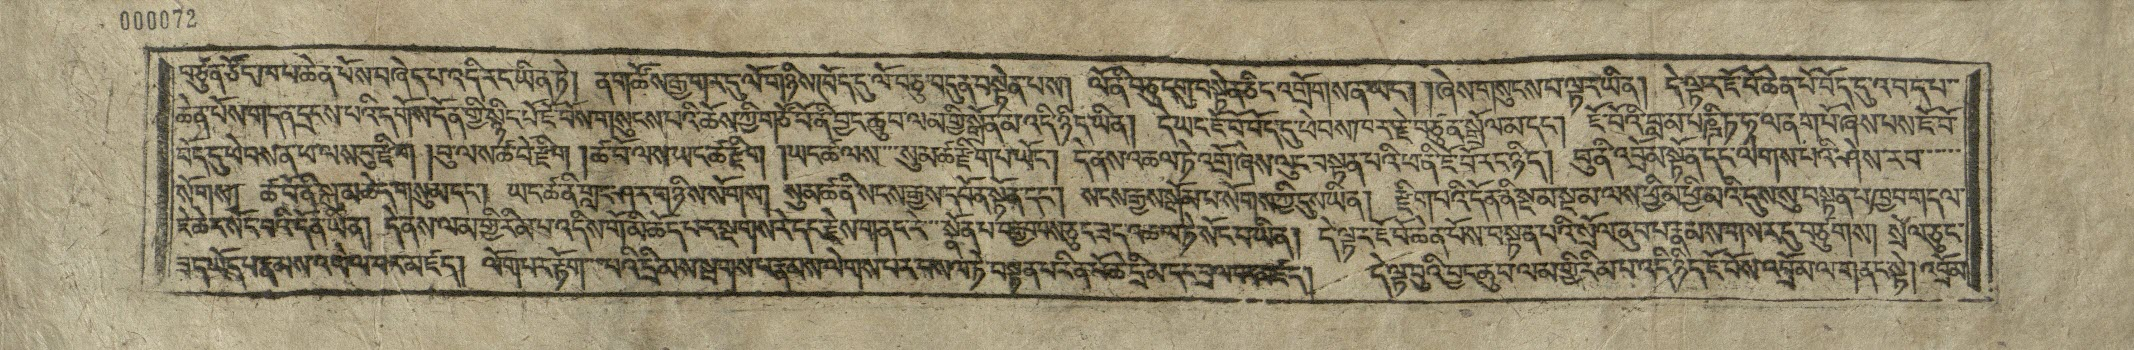བཙུན་ཙོང་ཁ་པ་ཆེན་པོས་བཞེད་པ་འདི་རང་ཡིན་ཏེ། ནག་ཚོས་རྒྱ་གར་དུ་ལོ་གཉིས། བོད་དུ་ལོ་བཅུ་བདུན་བསྟེན་པས། ལོ་ནི་བཅུ་དགུ་བསྟེན་ཅིང་འགྲོགས་ན་ཡང་། །ཞེས་གསུངས་པ་ལྟར་ཡིན། དེ་ལྟར་ཇོ་བོ་ཆེན་པོ་བོད་དུ་འབད་པ་
ཆེན་པོས་གདན་དྲངས་པའི་དགོས་དོན་གྱི་སྙིང་པོ་ཇོ་བོས་གསུངས་པའི་ཆོས་ཀྱི་གཙོ་བོ་ནི་བྱང་ཆུབ་ལམ་གྱི་སྒྲོན་མ་འདི་ཉིད་ཡིན། དེ་ཡང་ཇོ་བོ་བོད་དུ་ཕེབས་ཁར་རྗེ་བཙུན་སྒྲོལ་མ་དང་། ཇོ་བོའི་བླ་མ་པཎྜི་ཏ་ཧ་ལ་ནག་པོ་ཞེས་པས་ཇོ་བོ་
བོད་དུ་ཕེབས་ན་ཕ་ལས་བུ་རྫིག །བུ་ལས་ཚ་བོ་རྫིག །ཚ་བོ་ལས་ཡང་ཚ་རྫིག །ཡང་ཚ་ལས་སུམ་ཚ་རྫིག་པ་ཡོང་། དེ་ནས་འཆལ་ཏེ་འགྲོ་ཞེས་ལུང་བསྟན་པའི་ཕ་ནི་ཇོ་བོ་རང་ཉིད། བུ་ནི་འབྲོམ་སྟོན་དང་ལེགས་པའི་ཤེས་རབ་
སོགས། ཚ་བོ་ནི་སྐུ་མཆེད་གསུམ་དང་། ཡང་ཚ་ནི་གླང་ཤར་གཉིས་སོགས། སུམ་ཚ་ནི་སངས་རྒྱས་དབོན་སྟོན་དང་། སངས་རྒྱས་སྒོམ་པ་སོགས་ཀྱི་དུས་ཡིན། རྫིག་པའི་དོན་ནི་སྔ་མ་སྔ་མ་ལས་ཕྱི་མ་ཕྱི་མའི་དུས་སུ་བསྟན་པ་ཁྱབ་གདལ་
ཇེ་ཆེར་སོང་བའི་དོན་ཡིན། དེ་ནས་ལམ་གྱི་རིམ་པ་འདིས་གོ་མི་ཆོད་པར་སྔགས་རེ་དང་རྗེས་གནང་རེ་སྣོན་པ་བརྒྱབ་པས་ཅུང་ཟད་འཆལ་ཏེ་སོང་བ་ཡིན། དེ་ལྟར་ཇོ་བོ་ཆེན་པོས་བསྟན་པའི་སྲོལ་ནུབ་པ་རྣམས་གསར་དུ་བཙུགས། སྲོལ་ཅུང་
ཟད་ཡོད་པ་རྣམས་འཕེལ་བར་མཛད། ལོག་པར་རྟོག་པའི་དྲི་མས་སྦགས་པ་རྣམས་ལེགས་པར་བསལ་ཏེ་བསྟན་པ་རིན་པོ་ཆེ་དྲི་མ་དང་བྲལ་བར་མཛད། དེ་ལྟ་བུའི་བྱང་ཆུབ་ལམ་གྱི་རིམ་པ་འདི་ཉིད་ཇོ་བོས་འབྲོམ་ལ་གནང་སྟེ། འབྲོམ་